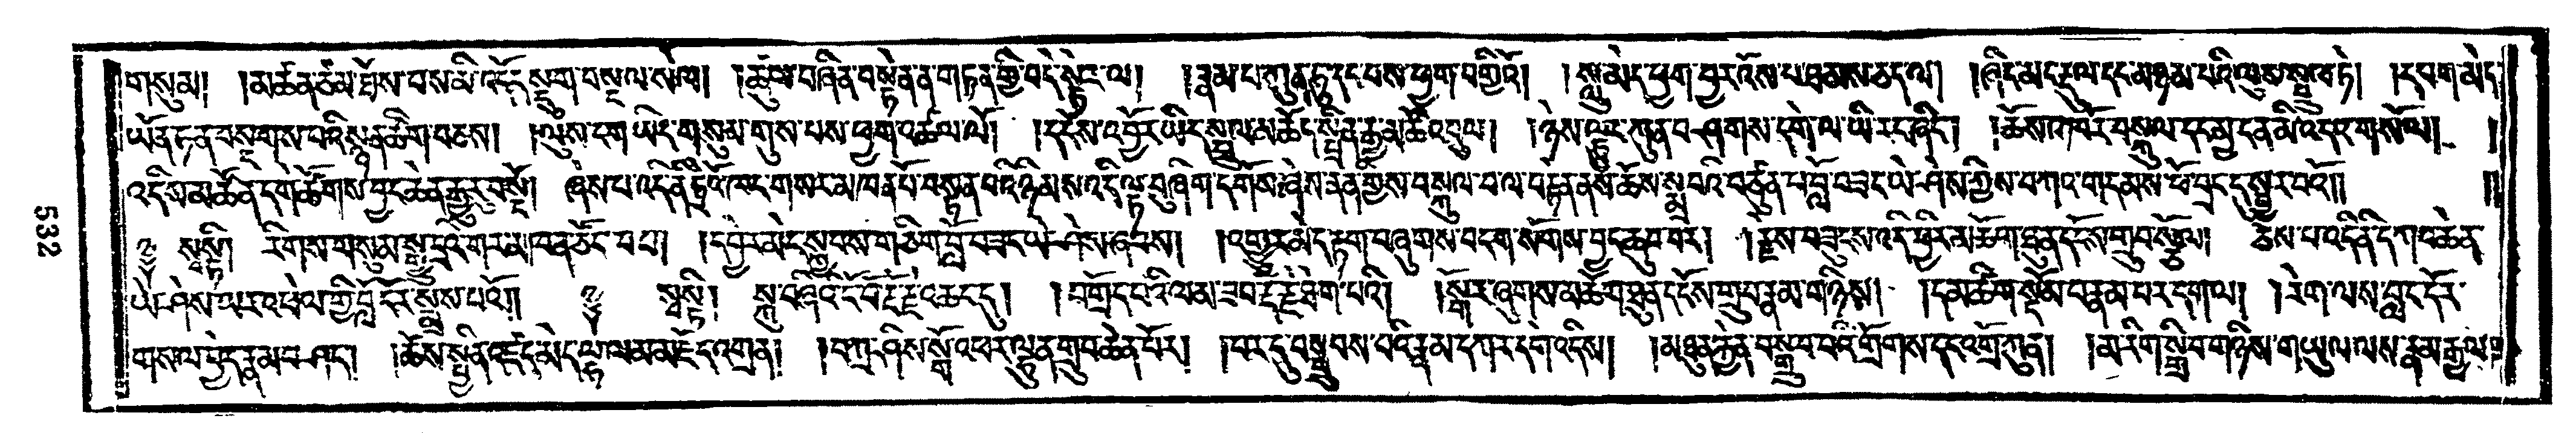གསུམ། །མཚན་ཙམ་ཐོས་བས་མི་འདོད་སྡུག་བསྔལ་སེལ། །ཚུལ་བཞིན་བསྟེན་ན་གཏན་གྱི་བདེ་སྟེར་ལ། །རྣམ་པ་ཀུན་ཏུ་དང་བས་ཕྱག་བགྱིའོ། །སླུ་མེད་ཕྱག་བྱར་འོས་པ་ཐམས་ཅད་ལ། །ཞིང་མང་རྡུལ་དང་མཉམ་པའི་ལུས་སྤྲུལ་ཏེ། །དཔག་མེད་
ཡོན་ཏན་བསྔགས་པའི་སྙན་ཚིག་བཅས། །ལུས་ངག་ཡིད་གསུམ་གུས་པས་ཕྱག་འཚལ་ལོ། །དངོས་འབྱོར་ཡིད་སྤྲུལ་མཆོད་སྤྲིན་རྒྱ་མཚོ་འབུལ། །ཉེས་ལྟུང་ཀུན་བཤགས་དགེ་ལ་ཡི་རང་ཞིང་། །ཆོས་འཁོར་བསྐུལ་དང་མྱ་ངན་མི་འདའ་གསོལ། །
འདིས་མཚོན་དགེ་ཚོགས་བྱང་ཆེན་རྒྱུ་རུ་བསྔོ། ཞེས་པ་འདི་ནི་ཏྲེའོ་ཁང་གསར་མཁན་པོ་བསྟན་པའི་ཉི་མས་འདི་ལྟ་བུ་ཞིག་དགོས་ཞེས་ནན་གྱིས་བསྐུལ་བ་ལ་བརྟན་ནས་ཆོས་སྨྲ་བའི་བཙུན་པ་བློ་བཟང་ཡེ་ཤེས་ཀྱིས་བཀའ་གདམས་ཕོ་བྲང་དུ་སྦྱར་བའོ།། །།
༈ སྭསྟི། རིགས་གསུམ་སྒྱུ་དྲའི་གར་མཁན་ཙོང་ཁ་པ། །དབྱེར་མེད་སྐྱབས་གཅིག་བློ་བཟང་ཡེ་ཤེས་ཞབས། །འགྱུར་མེད་རྟག་བཞུགས་བདག་སོགས་བྱང་ཆུབ་བར། །རྫས་བཟུངས་འདི་ཕྱིར་མཆོག་ཐུན་དངོས་གྲུབ་སྩོལ། ཅེས་པ་འདི་ནི་དཀའ་ཆེན་
ཡེ་ཤེས་ཡར་འཕེལ་གྱི་བློ་དོར་སྨྲས་པའོ།། ༈ སྭསྟི། སྐུ་བཞིའི་ངོ་བོ་རྡོ་རྗེ་འཆང་དུ། །བགྲོད་པའི་ལམ་ཟབ་རྡོ་རྗེ་ཐེག་པའི། །སྒོར་ཞུགས་མཆོག་ཐུན་དངོས་གྲུབ་རྣམ་གཉིས། །དམ་ཚིག་སྡོམ་པ་རྣམ་པར་དག་ལ། །རེག་ལས་བླང་དོར་
གསལ་བྱེད་རྣམ་བཤད། །ཆོས་སྦྱིན་འཛད་མེད་ལྷ་ལམ་མཛོད་འགྲན། །བཀྲ་ཤིས་སྒོ་འཕར་ལྷུན་གྲུབ་ཆེན་པོར། །བར་དུ་བསྒྲུབས་པའི་རྣམ་དཀར་དགེ་འདིས། །མཐུན་རྐྱེན་བསྒྲུབ་པའི་འགྲོགས་དང་འགྲོ་ཀུན། །མ་རིག་སྒྲིབ་གཉིས་གཡུལ་ལས་རྣམ་རྒྱལ་